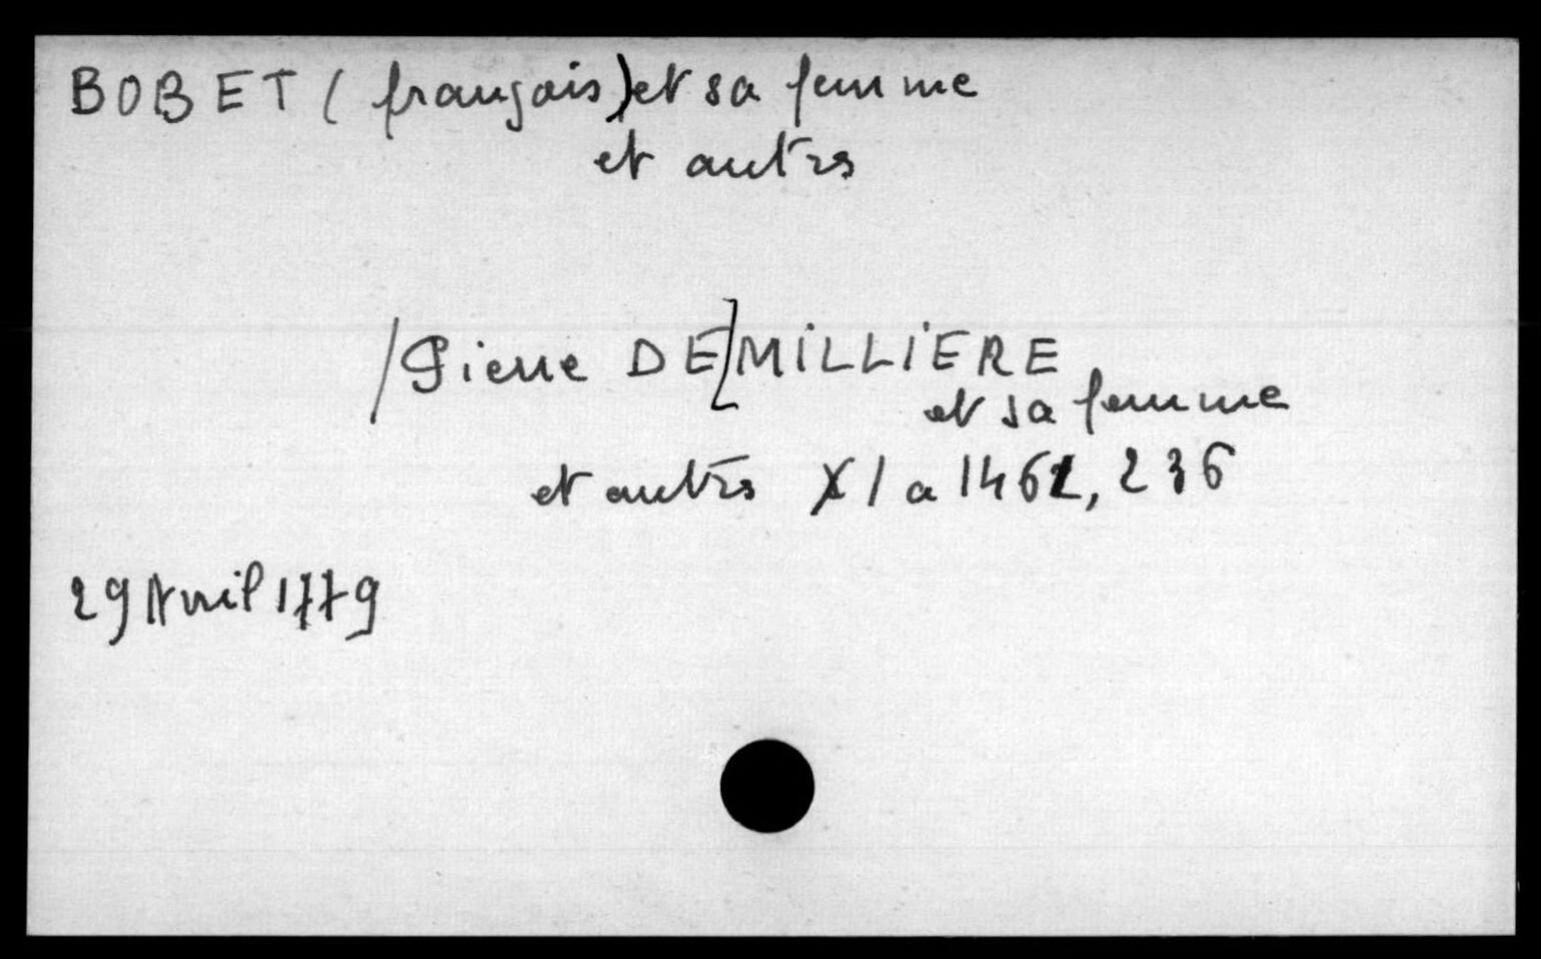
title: BOBET (François) et sa femme et autres
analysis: Contre Pierre DE MILLIERE et sa femme et autres
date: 29 avril 1779
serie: X1 a
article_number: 1462
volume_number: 236
